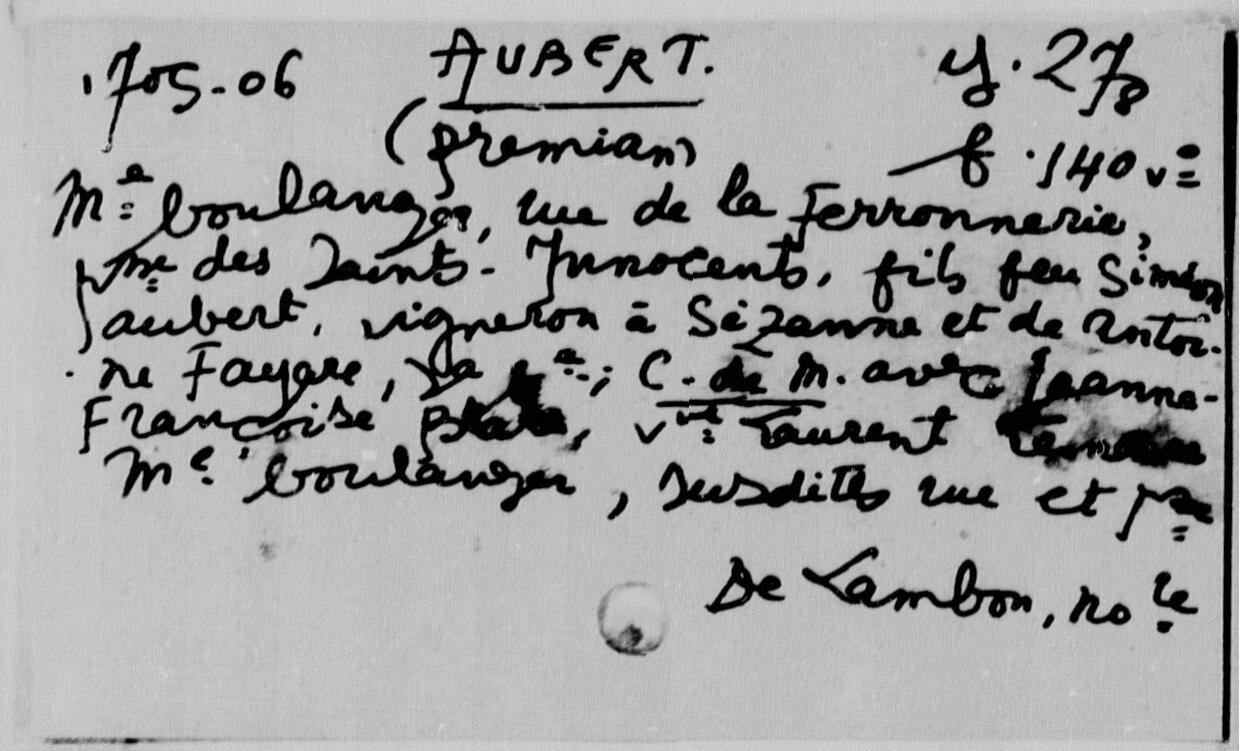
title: AUBERT (Premian)
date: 1705-1706
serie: Y
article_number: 270
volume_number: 140v
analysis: Maître boulanger, rue de la Ferronnerie, paroisse des Saints-Innocents, fils feu Simon AUBERT, vigneron à Sézanne et de Antoine FAYARD, sa femme. Contrat de mariage avec Jeanne-Françoise BLATE (?), veuve Laurent LEM... (?), maître boulanger, susdites rue et paroisse. De Lambon, notaire.
